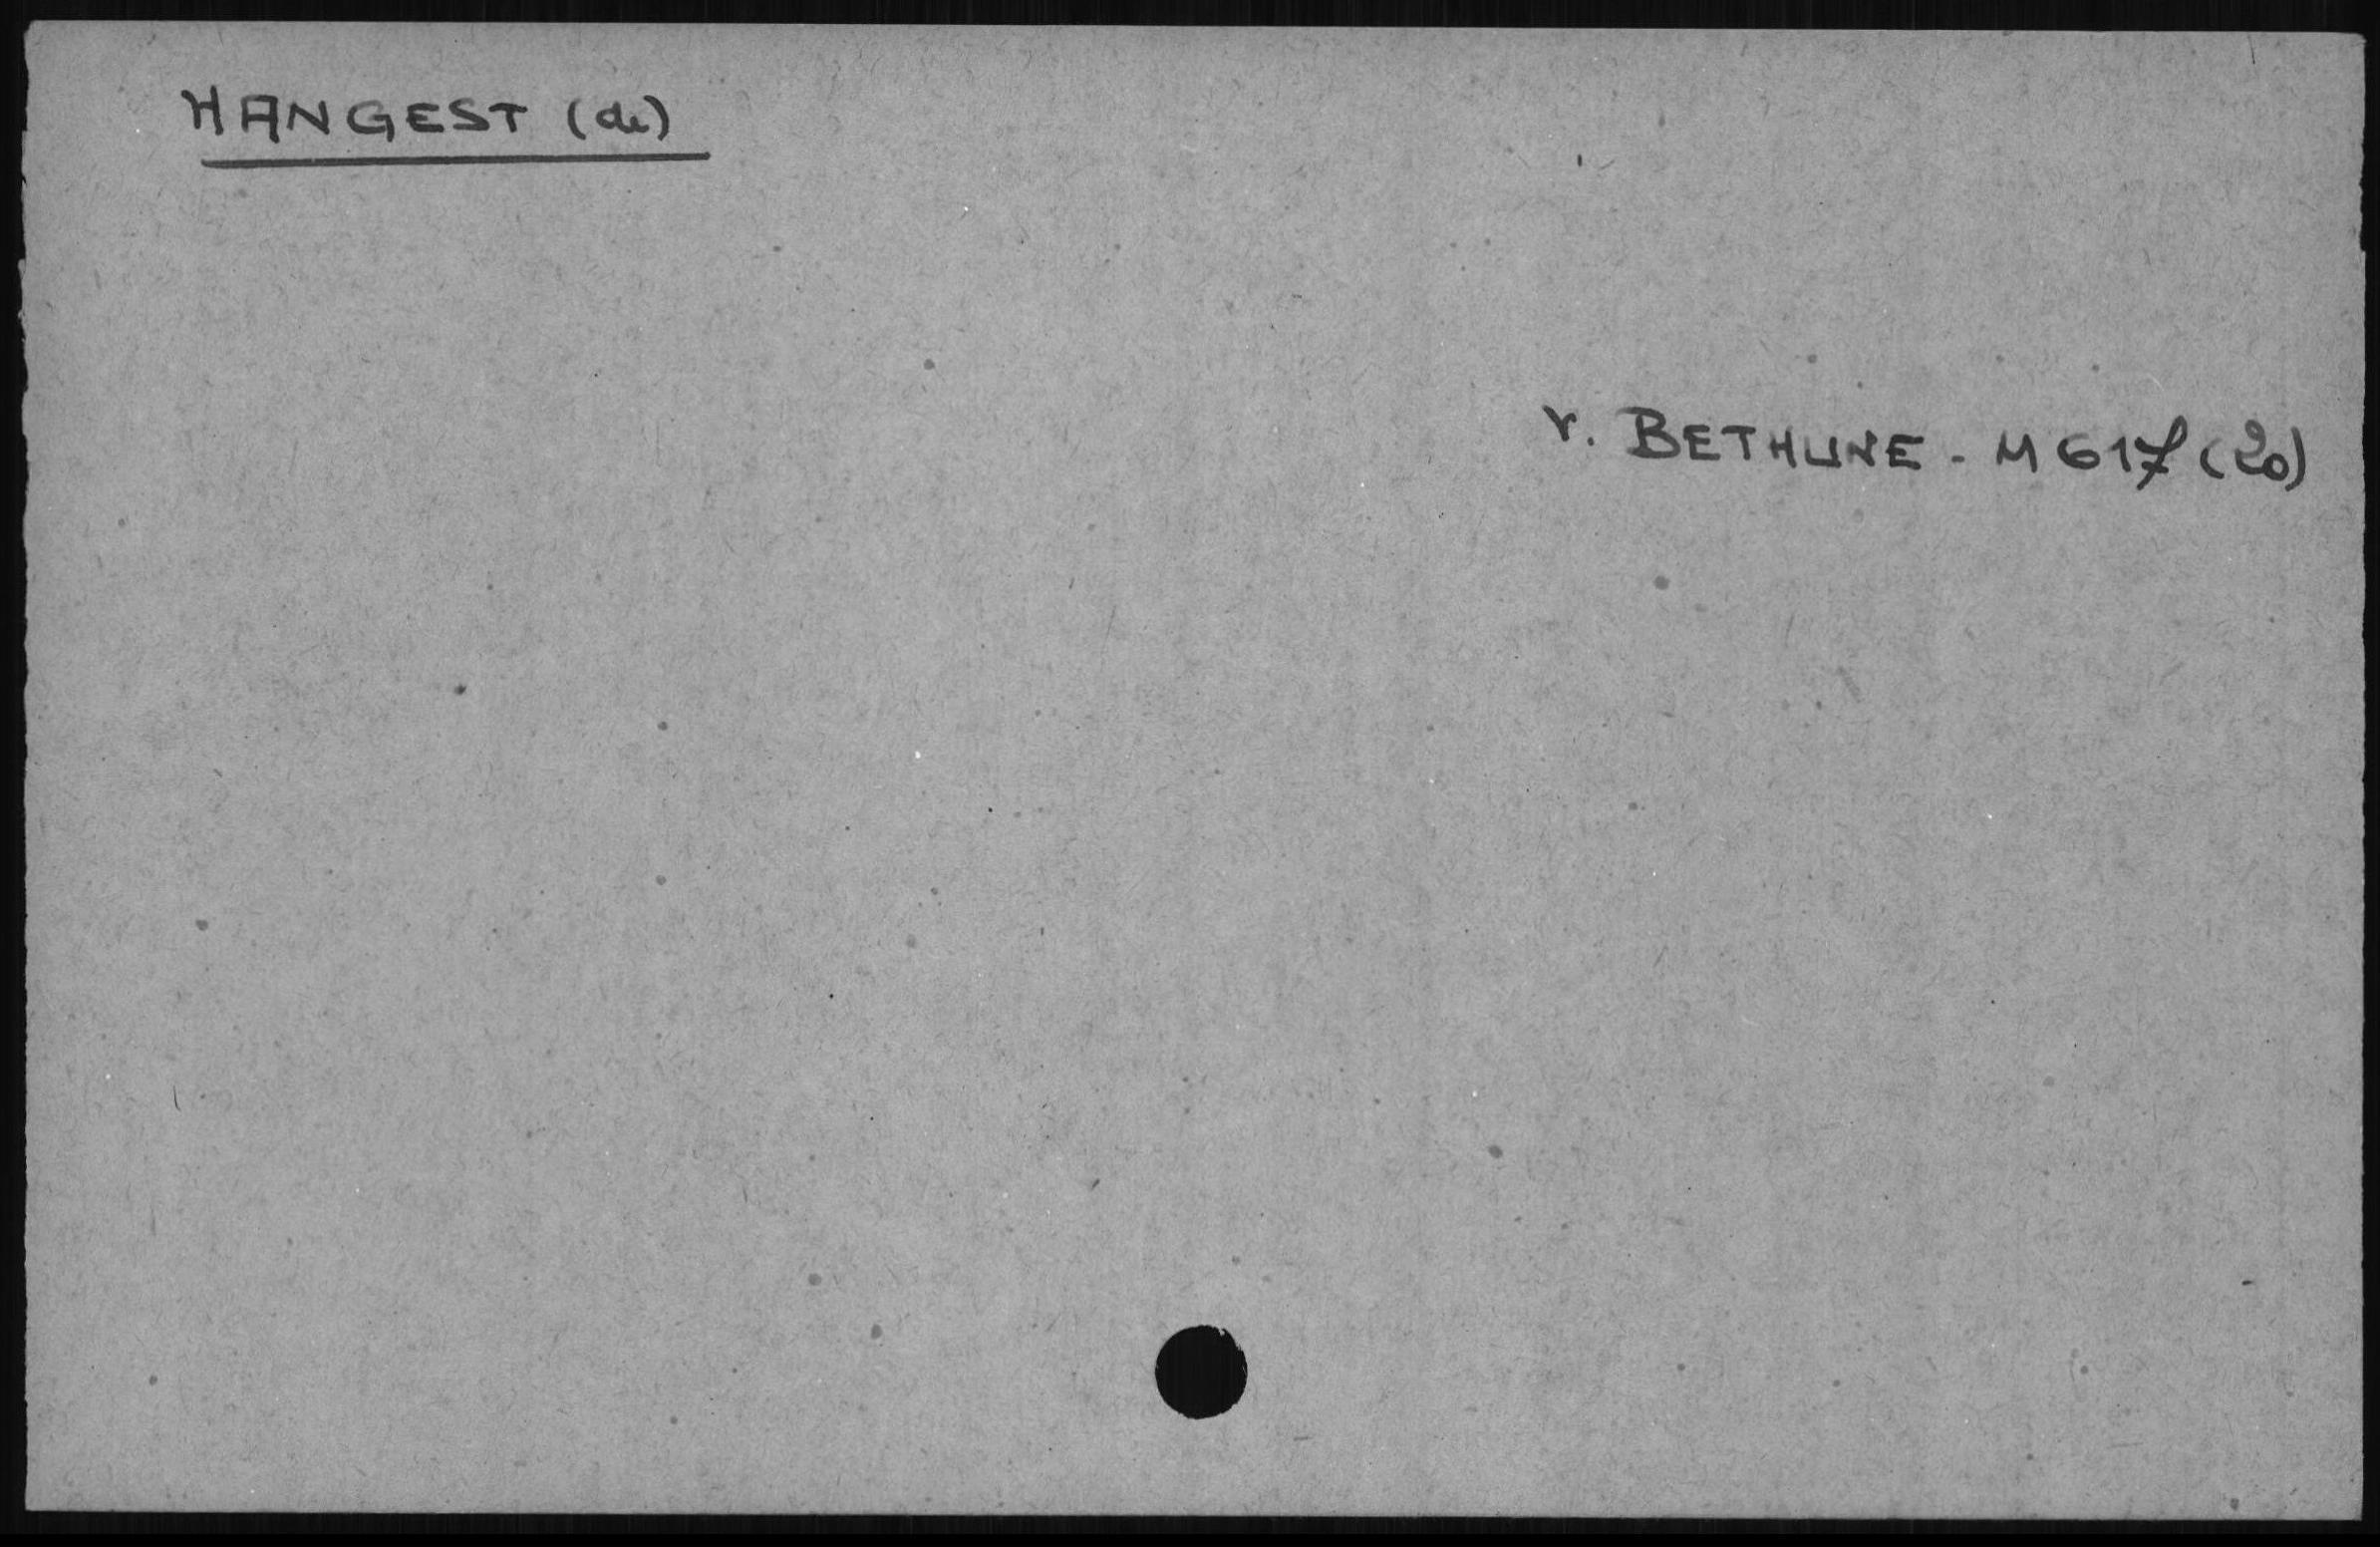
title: HANGEST (de)
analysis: voir : BETHUNE.
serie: M
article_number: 617
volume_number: (20)
